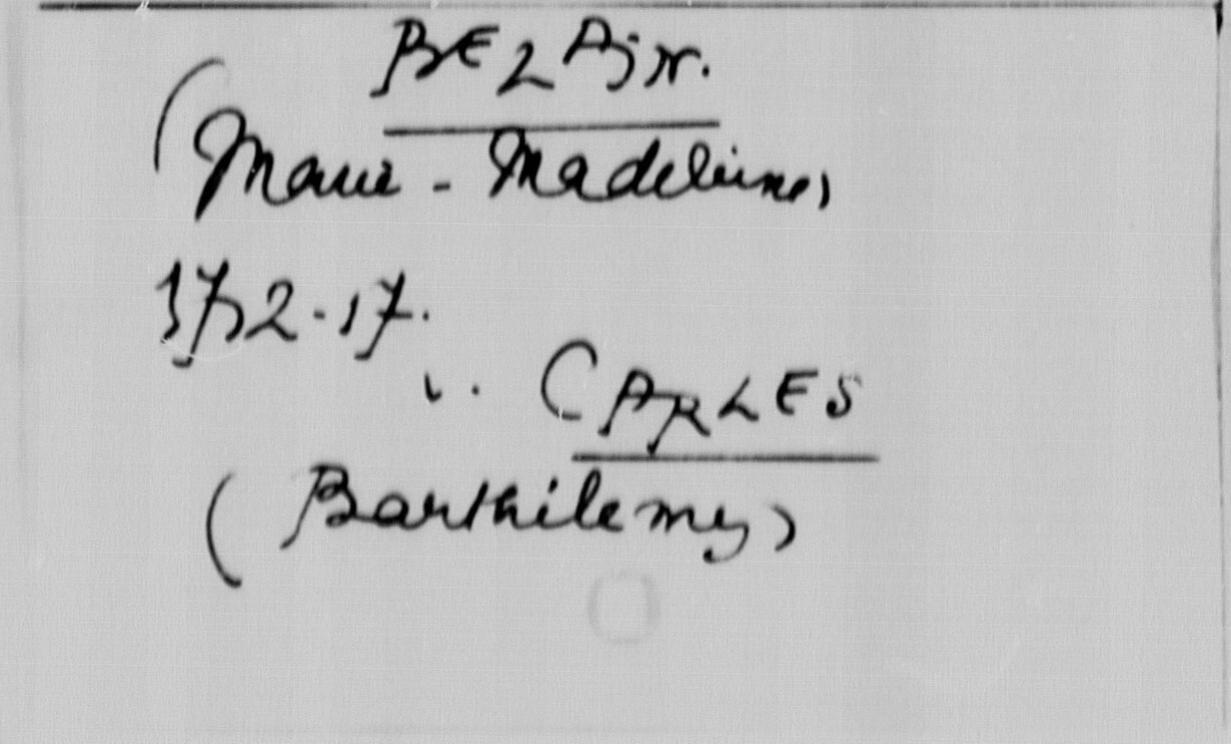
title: BELAIN (Marie-Madeleine)
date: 1712-1717
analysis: Voir CARLES (Barthélemy)
